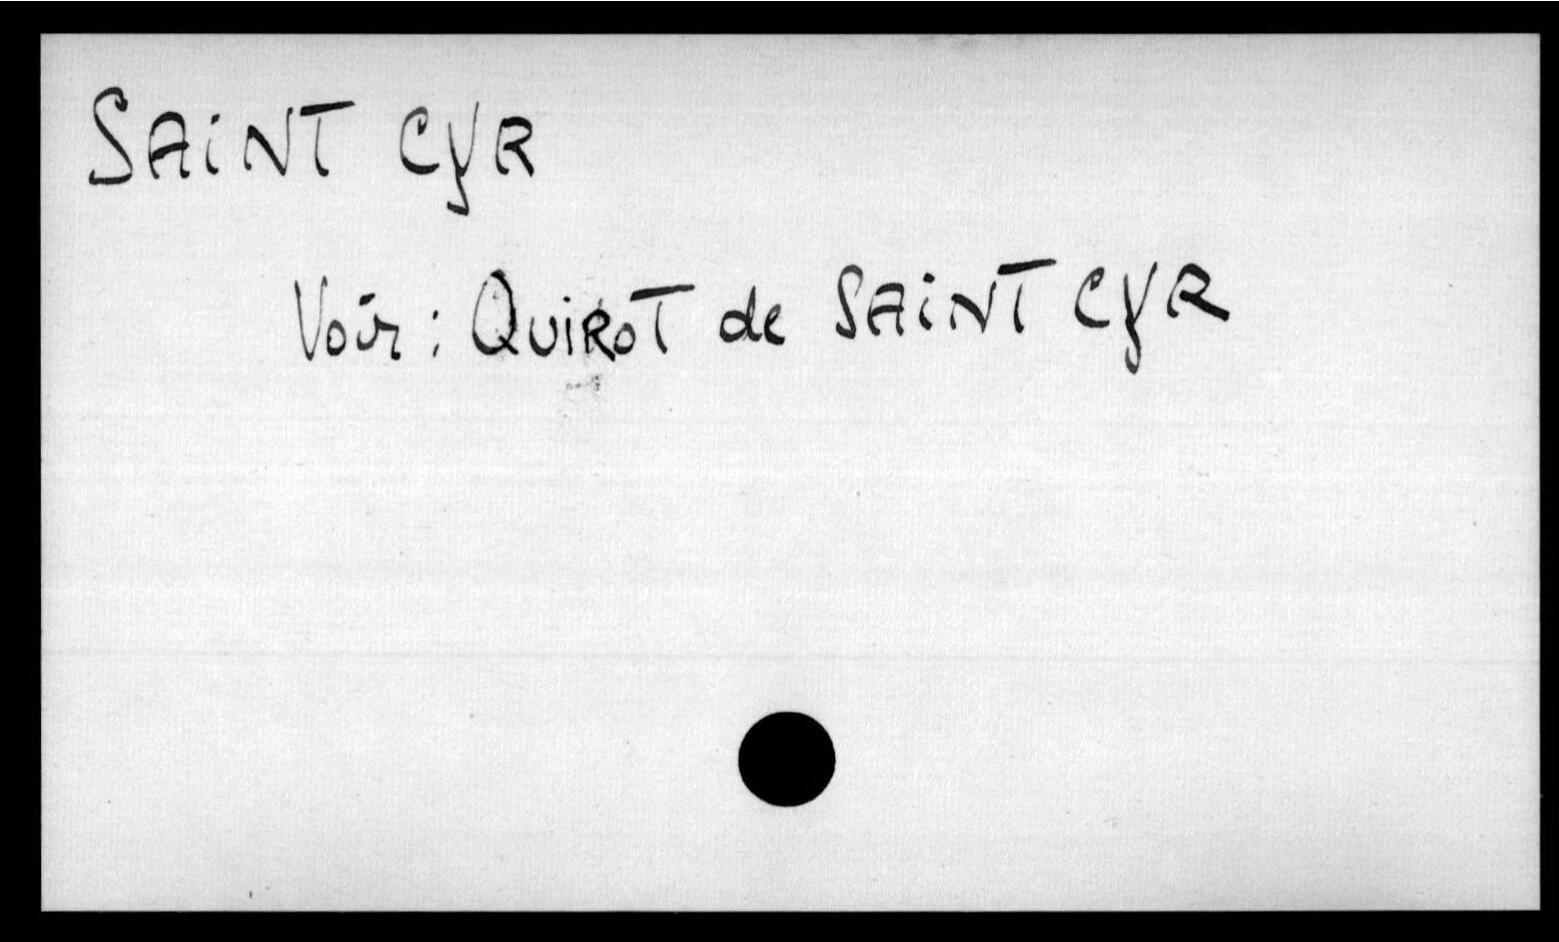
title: SAINT CYR
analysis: Voir : QUIROT de SAINT CYR
